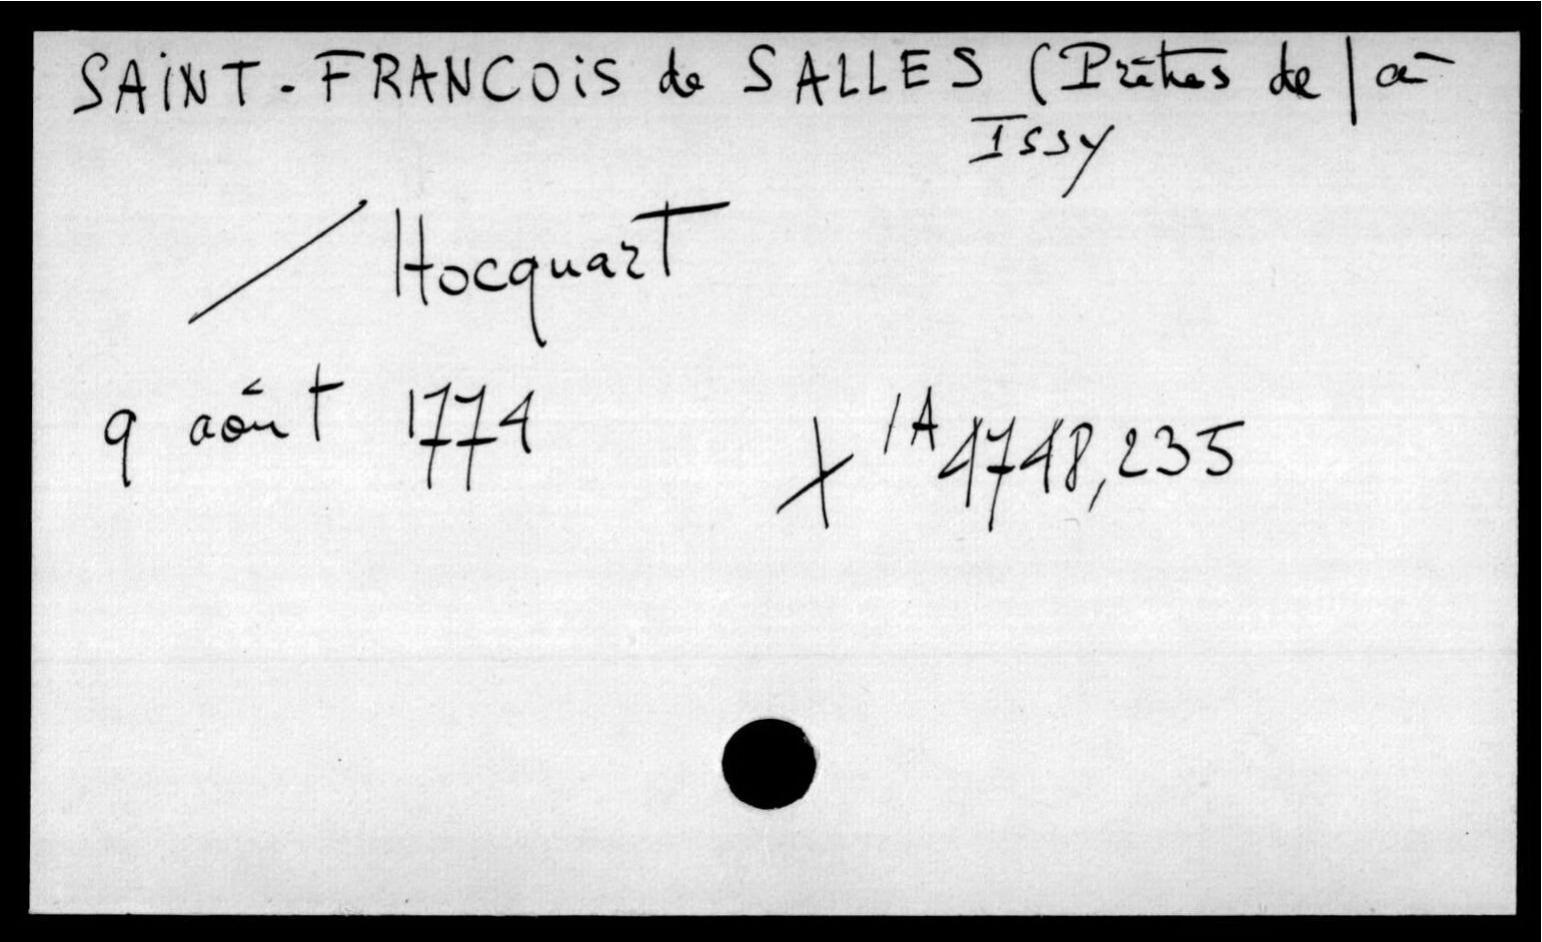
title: SAINT-FRANCOIS de SALLES (Prêtres de) à Issy
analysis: Contre Hocquart
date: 9 août 1774
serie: X1A
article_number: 4748
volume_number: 235
